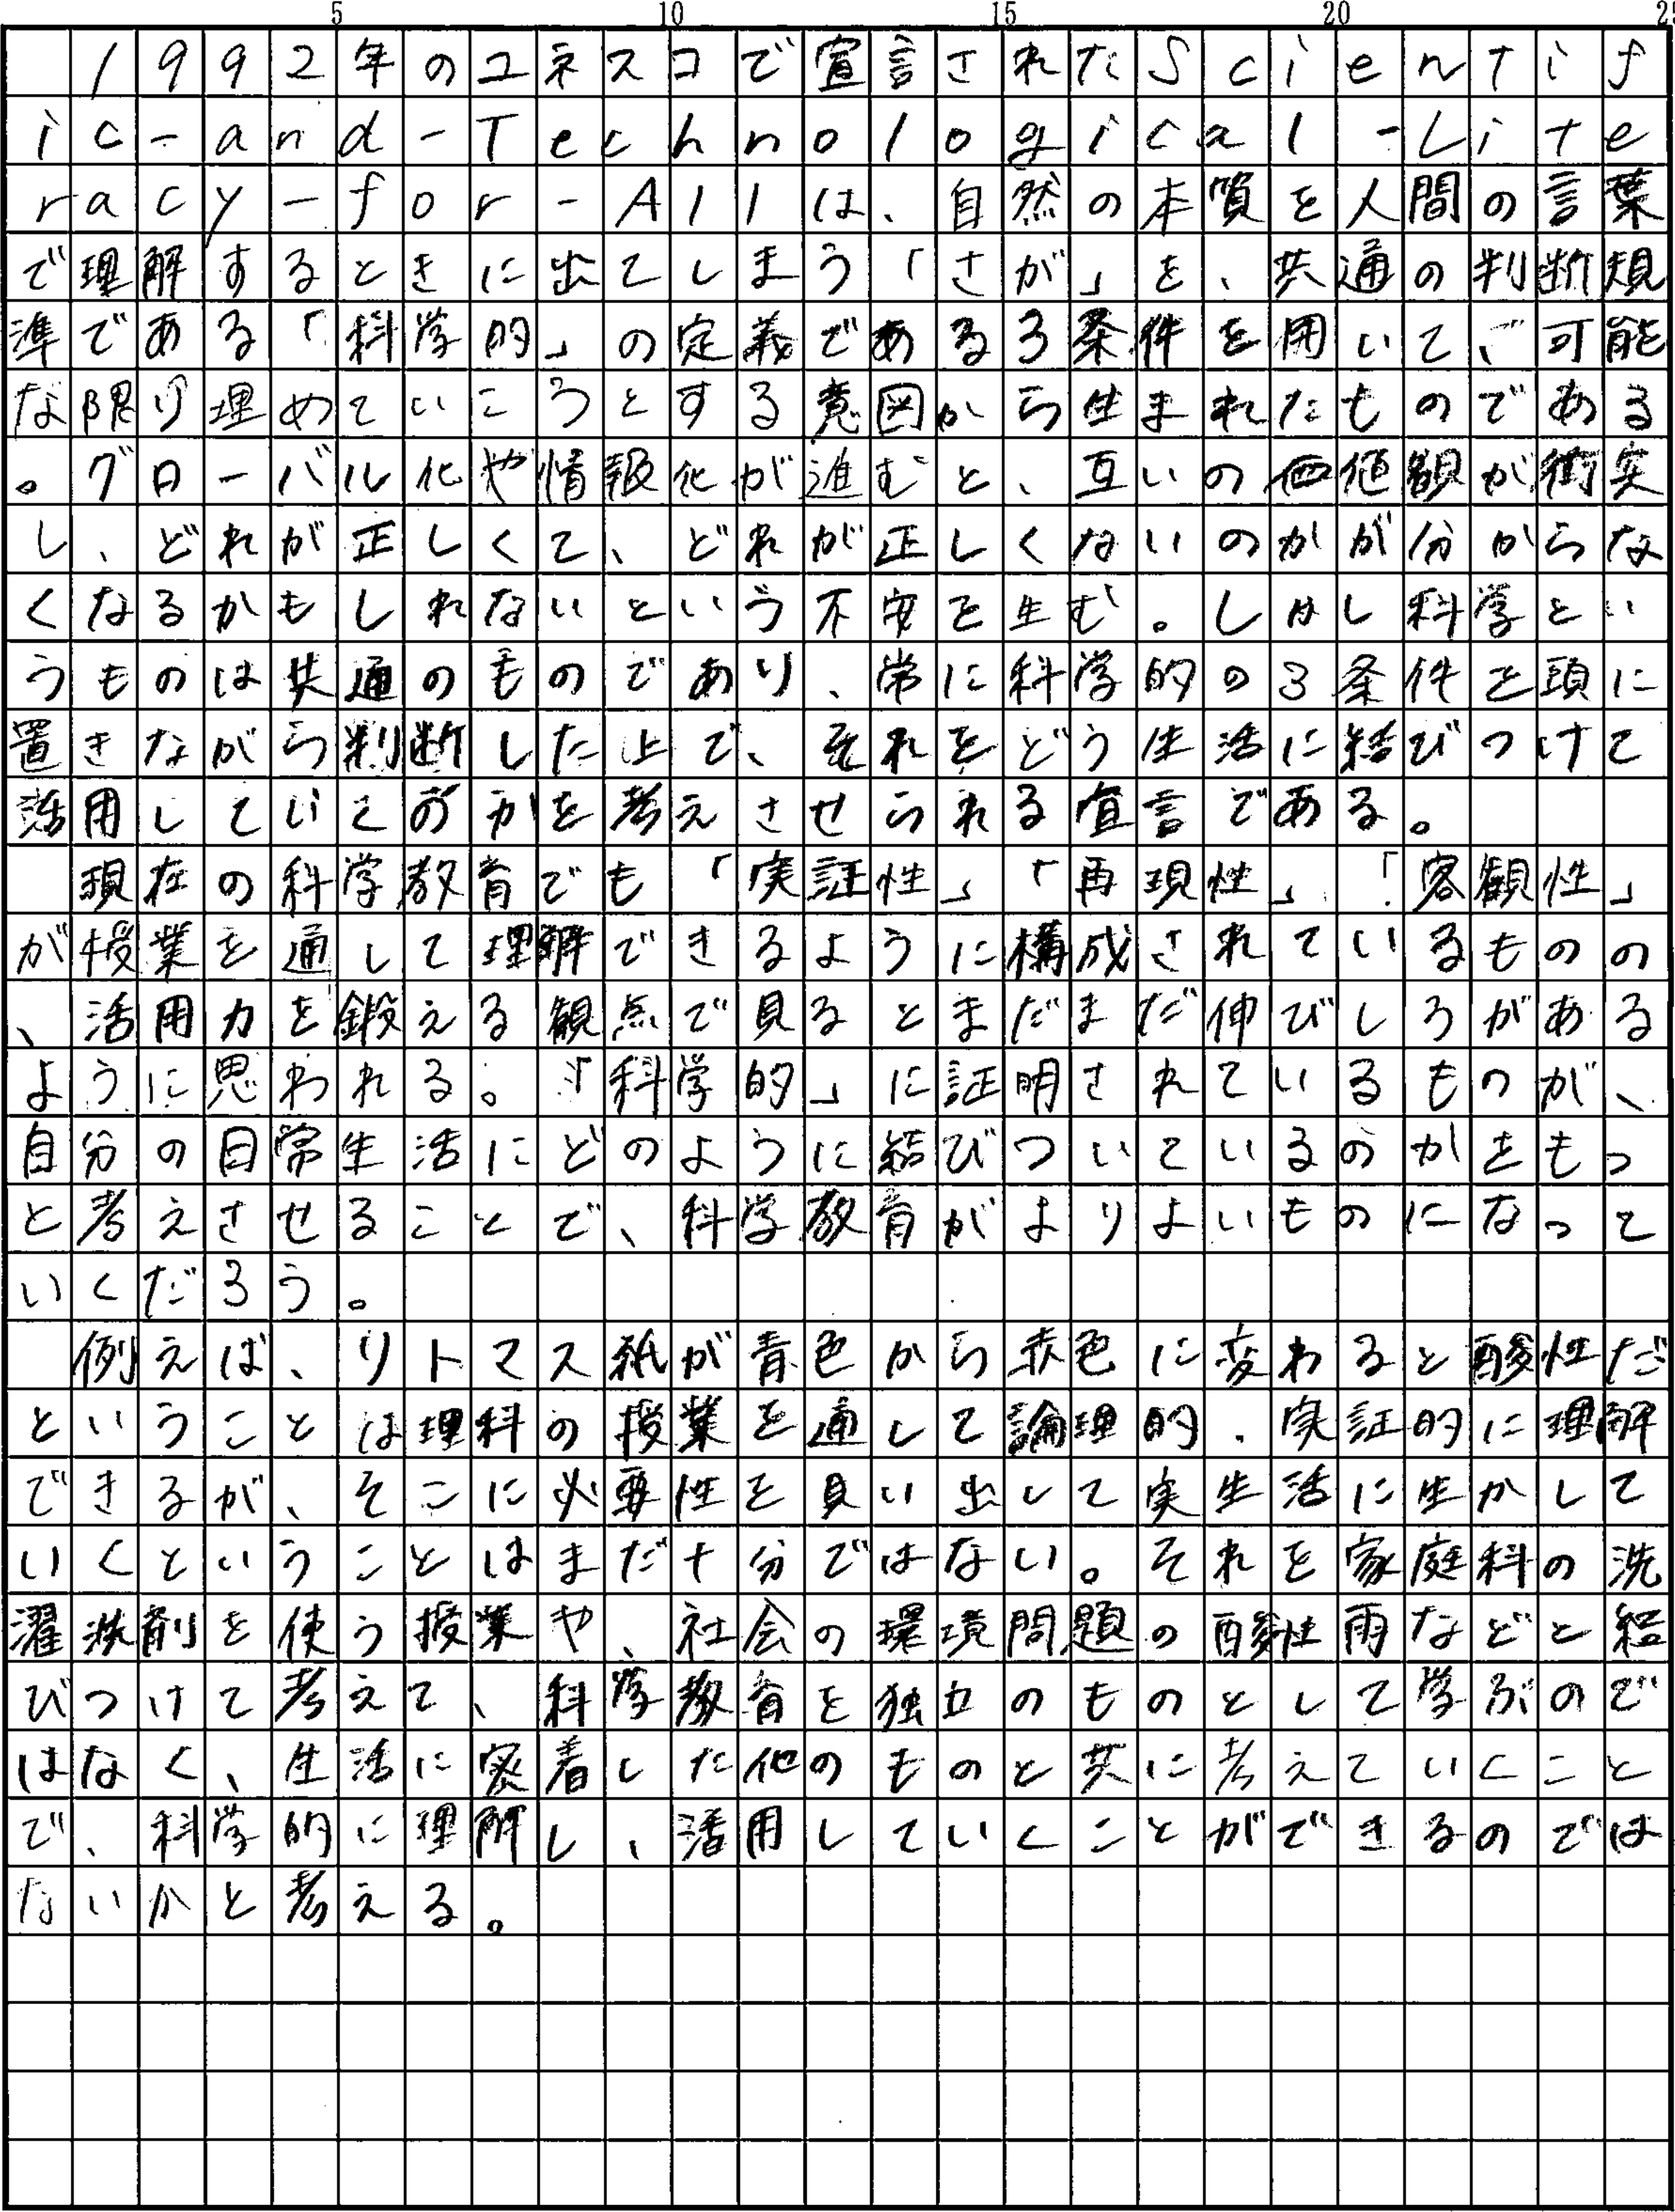　１９９２年のユネスコで宣言されたＳｃｉｅｎｔｉｆｉｃ－ａｎｄ－Ｔｅｃｈｎｏｌｏｇｉｃａｌ－Ｌｉｔｅｒａｃｙ－ｆｏｒ－Ａｌｌは、自然の本質を人間の言葉で理解するときに出てしまう「さが」を、共通の判断規準である「科学的」の定義である３条件を用いて、可能な限り埋めていこうとする意図から生まれたものである。グローバル化や情報化が進むと、互いの価値観が衝突し、どれが正しくて、どれが正しくないのかが分からなくなるかもしれないという不安を生む。しかし科学というものは共通のものであり、常に科学的の３条件を頭に置きながら判断した上で、それをどう生活に結びつけて活用していくのかを考えさせられる宣言である。
　現在の科学教育でも「実証性」「再現性」「客観性」が授業を通して理解できるように構成されているものの、活用力を鍛える観点で見るとまだまだ伸びしろがあるように思われる。「科学的」に証明されているものが、自分の日常生活にどのように結びついているのかをもっと考えさせることで、科学教育がよりよいものになっていくだろう。
　例えば、リトマス紙が青色から赤色に変わると酸性だということは理科の授業を通して論理的、実証的に理解できるが、そこに必要性を見い出して実生活に生かしていくということはまだ十分ではない。それを家庭科の洗濯洗剤を使う授業や、社会の環境問題の酸性雨などと結びつけて考えて、科学教育を独立のものとして学ぶのではなく、生活に密着した他のものと共に考えていくことで、科学的に理解し、活用していくことができるのではないかと考える。
